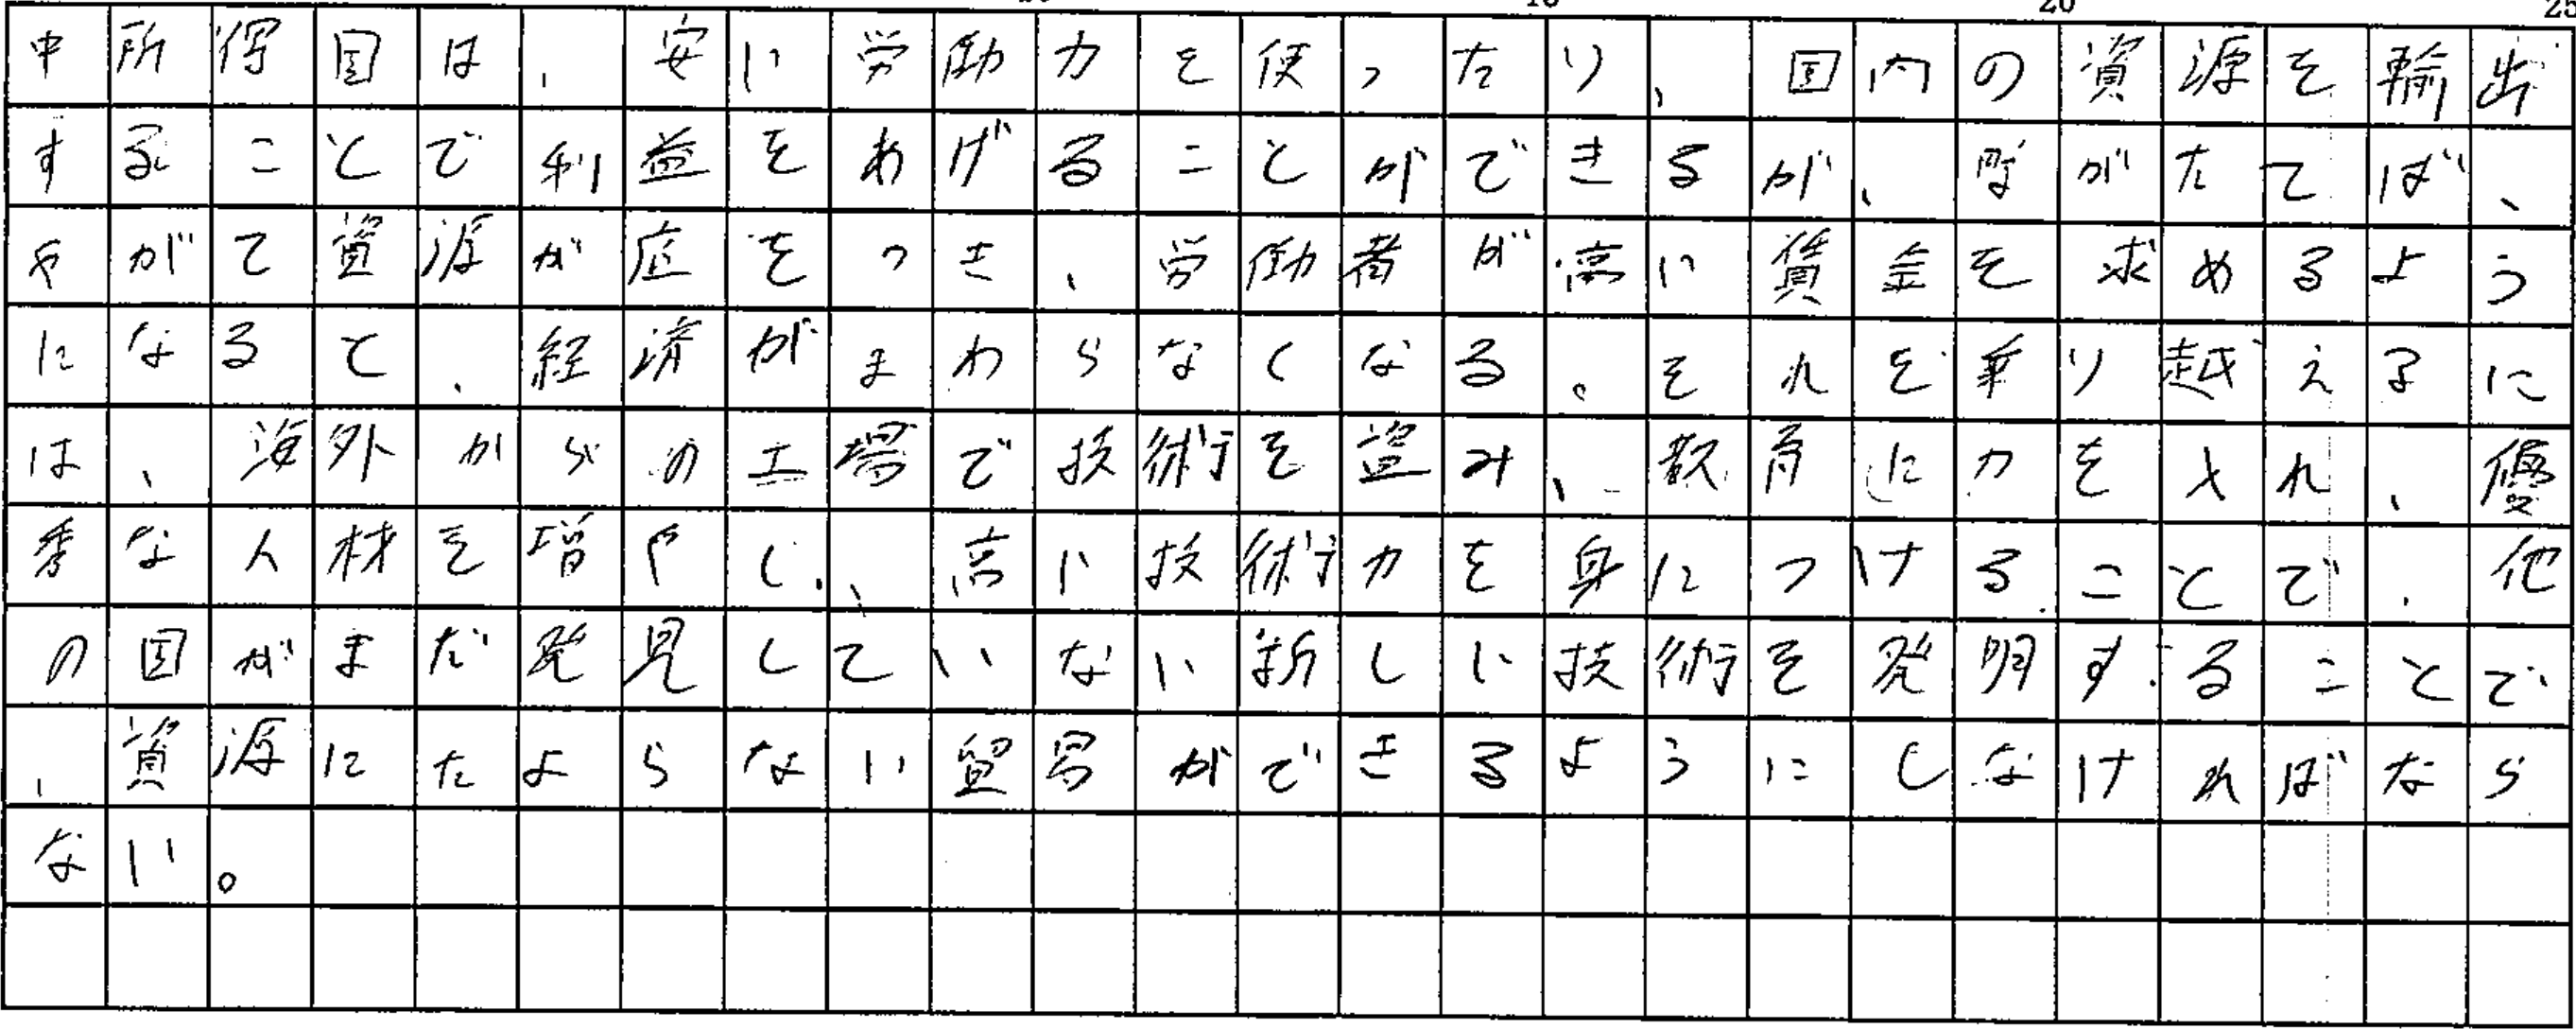中所得国は、安い労働力を使ったり、国内の資源を輸出することで利益をあげることができるが、▁がたてば、やがて資源が底をつき、労働者が高い賃金を求めるようになると、経済がまわらなくなる。それを乗り越えるには、海外からの工場で技術を盗み、教育に力を入れ、優秀な人材を増やし、高い技術力を身につけることで、他の国がまだ発見していない新しい技術を発明することで、資源にたよらない貿易ができるようにしなければならない。
